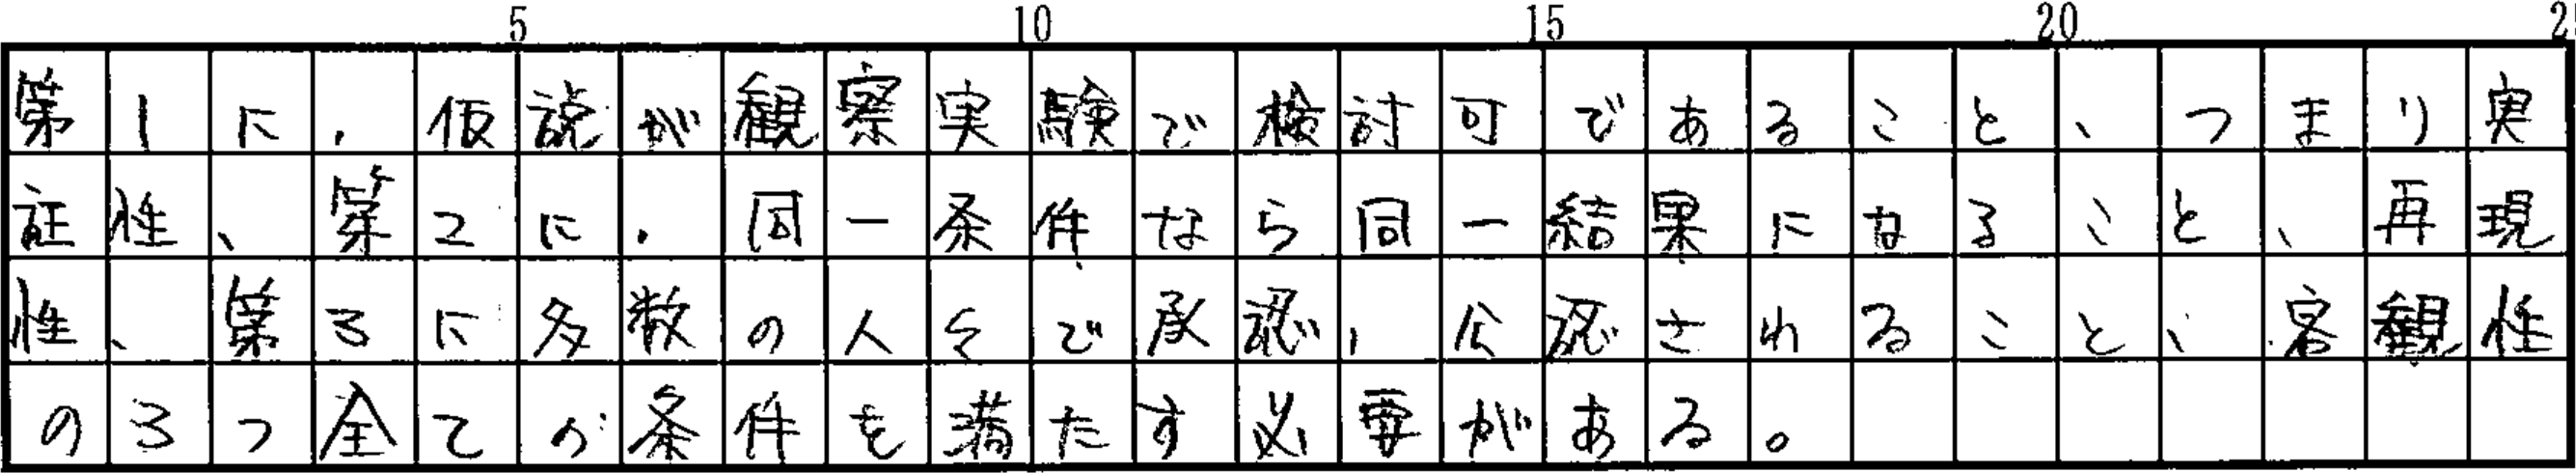第１に、仮説が仮説実験で検討可であること、つまり実証性、第２に、同一条件なら同一結果になること、再現性、第３に多数の人々で承認、公認されていること、客観性の３つ全ての条件を満たす必要がある。
